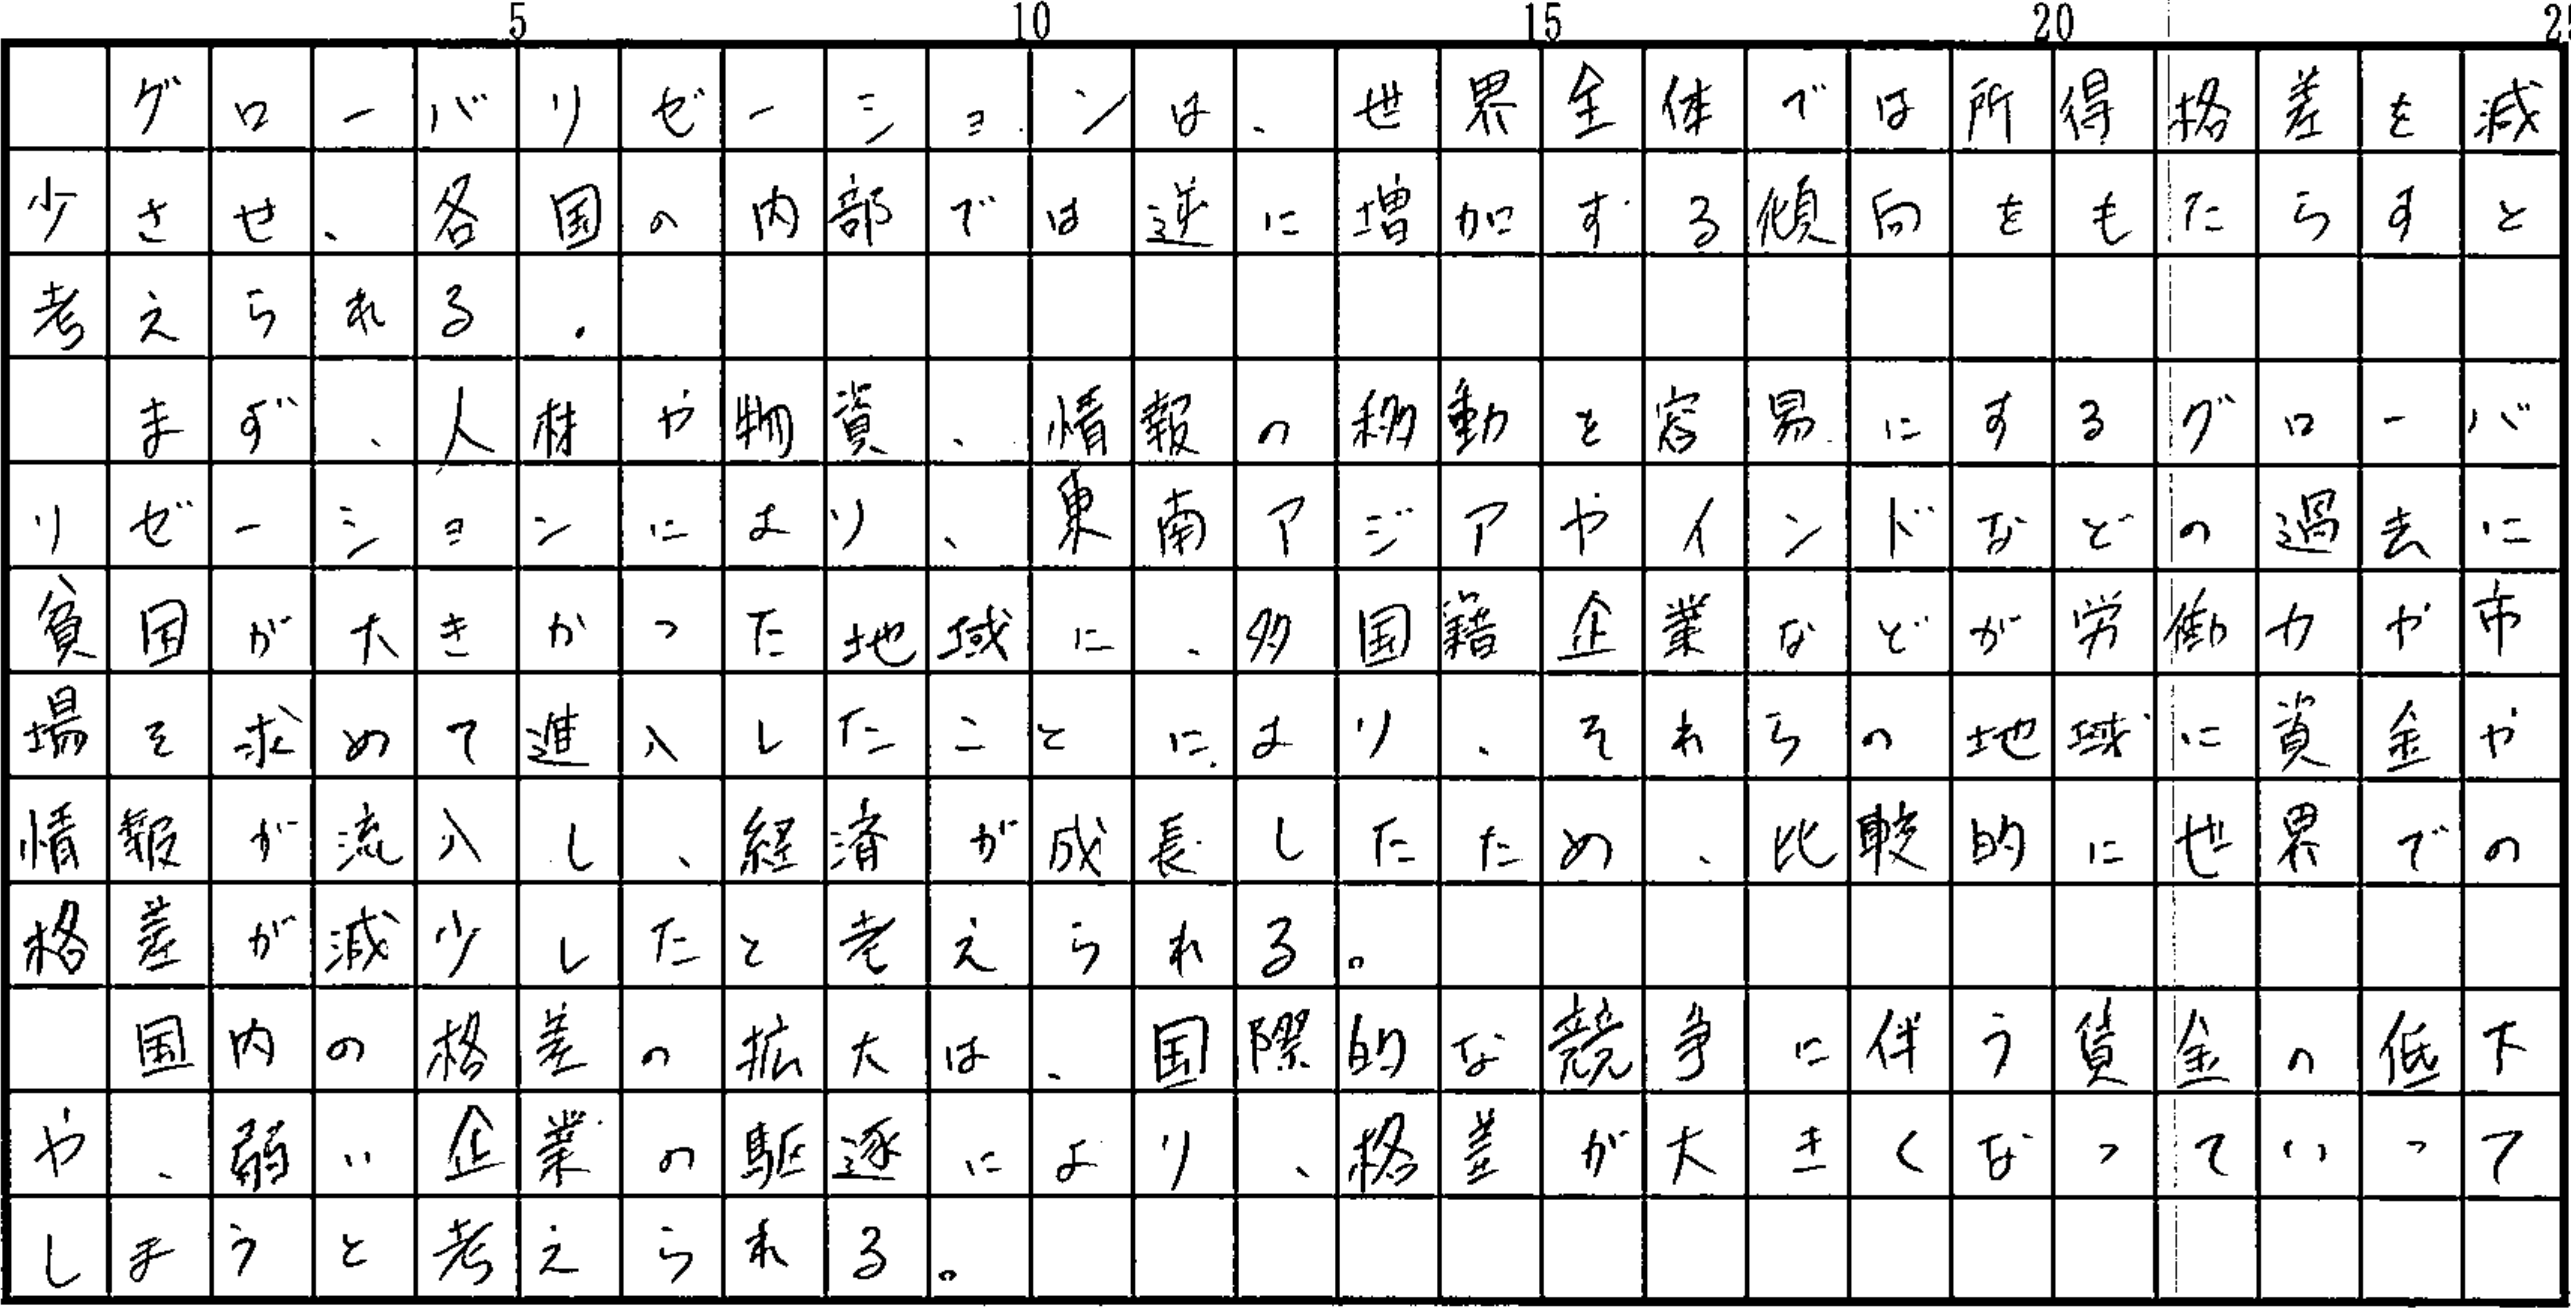　グローバリゼーションは、世界全体では所得格差を減少させ、各国の内部では逆に増加する傾向をもたらすと考えられる。
　まず、人材や物資、情報の移動を容易にするグローバリゼーションにより、東南アジアやインドなどの過去に貧困が大きかった地域に、多国籍企業などが労働力や市場を求めて進入したことにより、それらの地域に資金や情報が流入し、経済が成長したため、比較的に世界での格差が減少したと考えられる。
　国内の格差の拡大は、国際的な競争に伴う賃金の低下や、弱い企業の駆逐により、格差が大きくなっていってしまうと考えられる。
